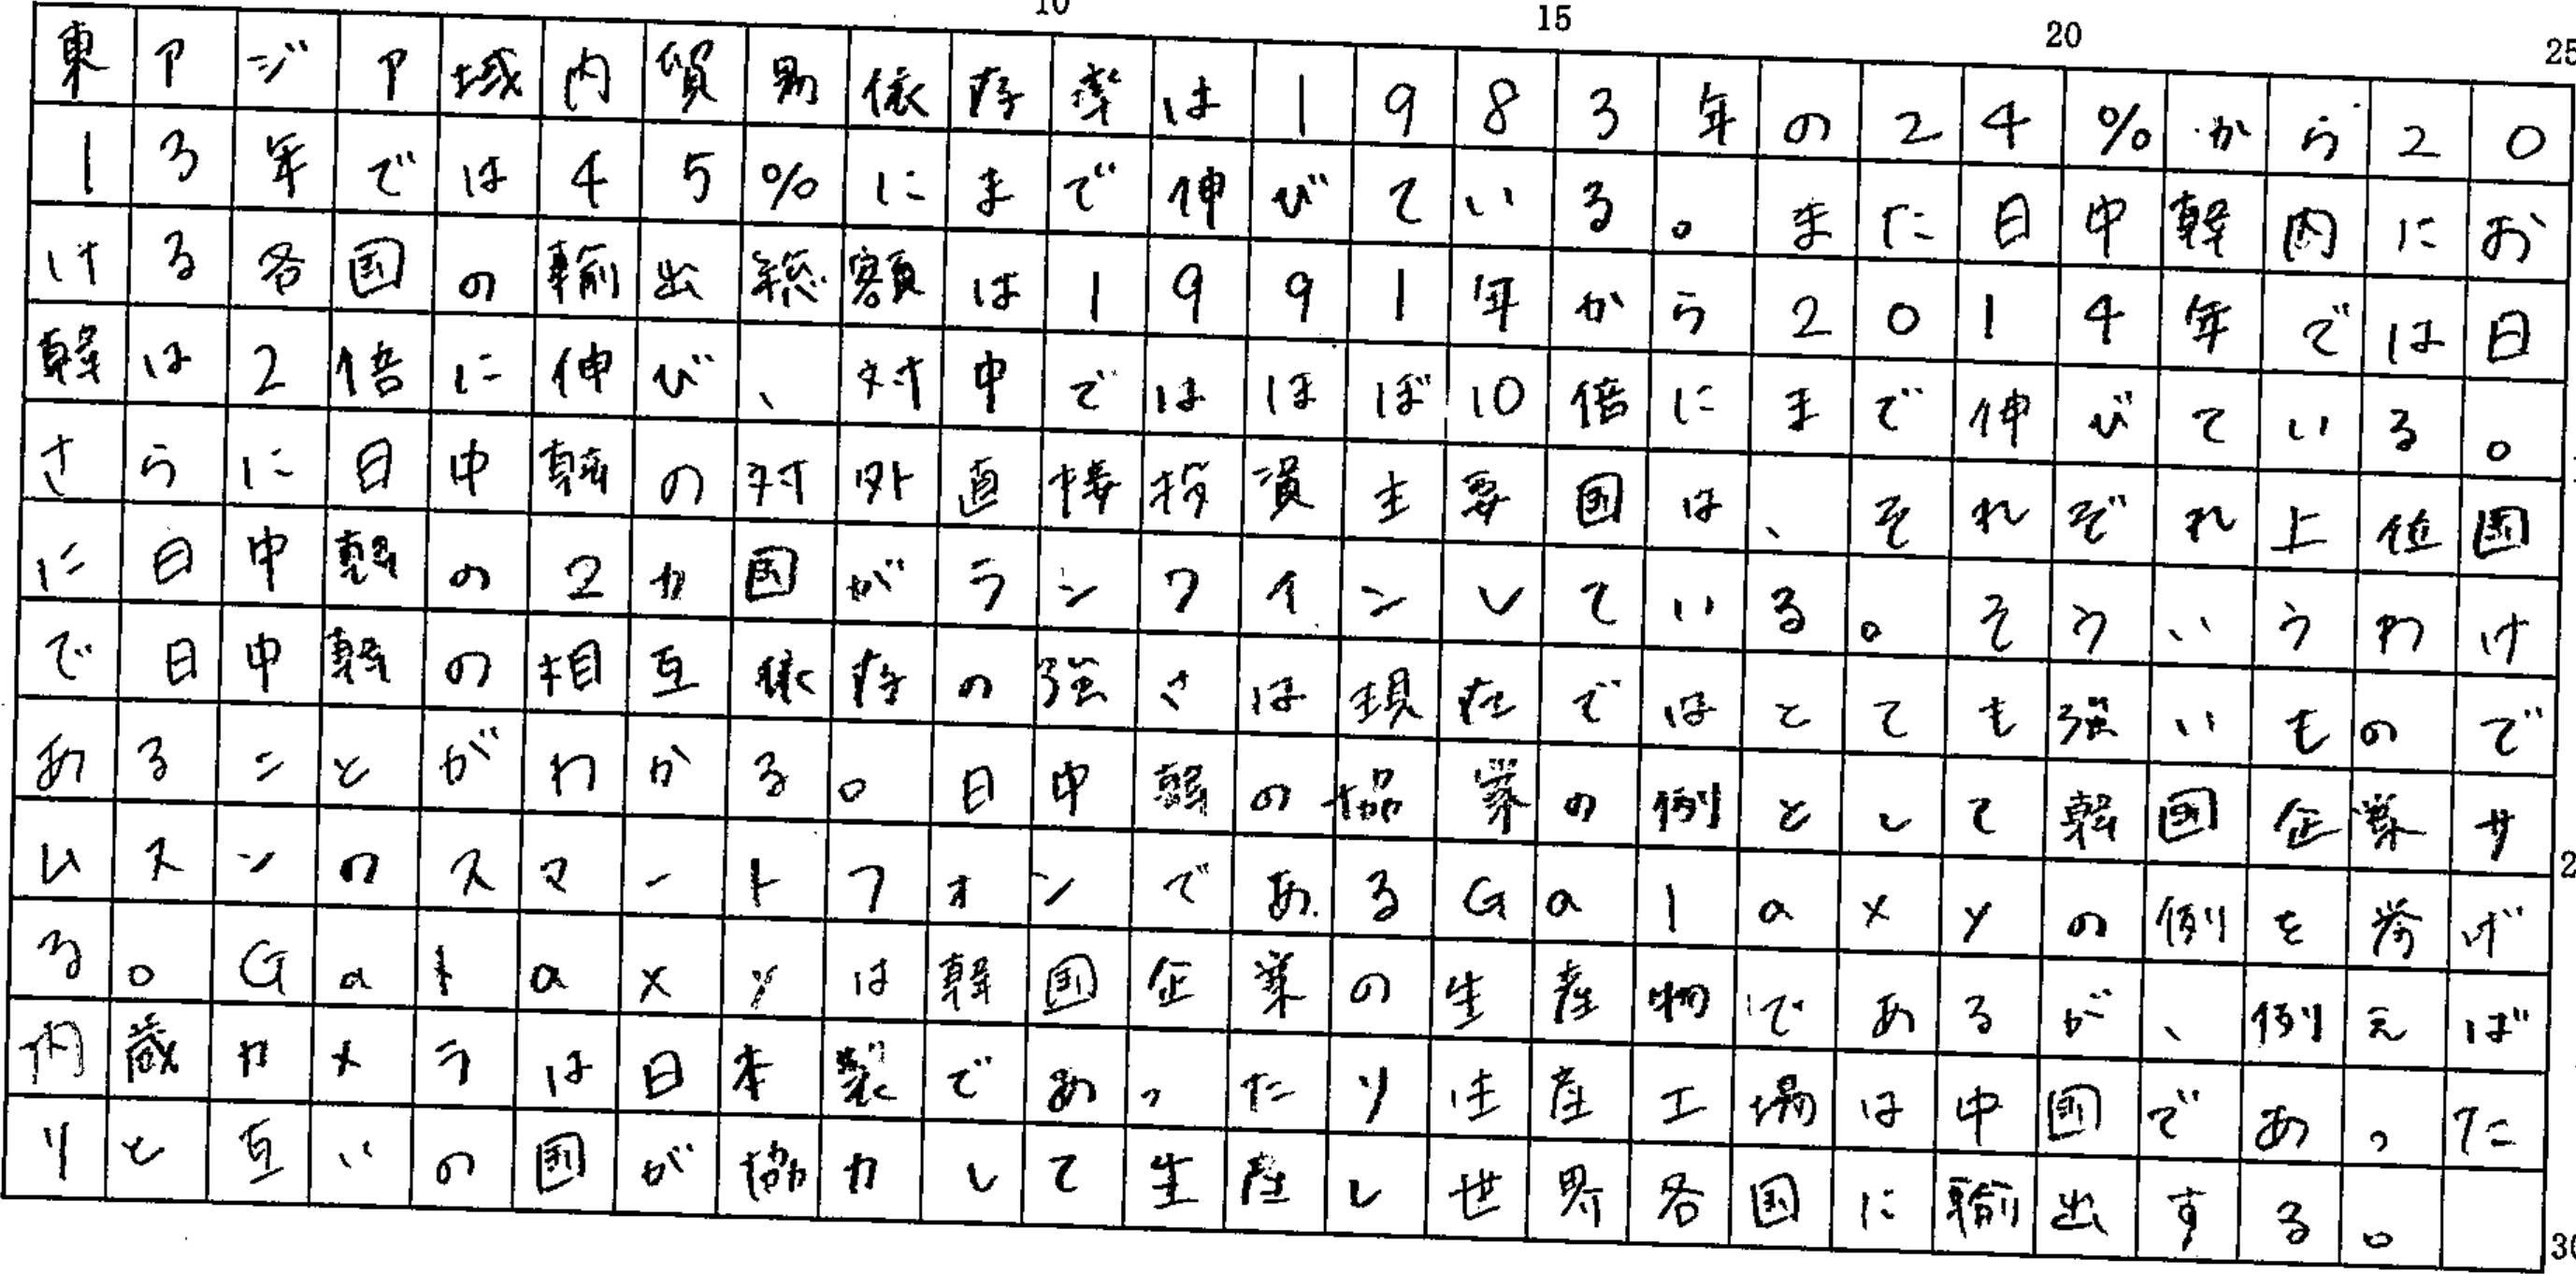東アジア域内貿易依存率は１９８３年の２４％から２０１３年では４５％にまで伸びている。また日中韓内における各国の輸出総額は１９９１年から２０１４年では日韓は２倍に伸び、対中ではほぼ10倍にまで伸びている。さらに日中韓の対外直接投資主要国は、それぞれ上位国に日中韓の２ヵ国がランクインしている。そういうわけで日中韓の相互依存の強さは現在ではとても強いものであることがわかる。日中韓の協業の例として韓国企業サムスンのスマートフォンであるＧａｌａｘｙの例を挙げる。Ｇａｌａｘｙは韓国企業の生産物であるが、例えば内蔵カメラは日本製であったり生産工場は中国であったりと互いの国が協力して生産し世界各国に輸出する。
